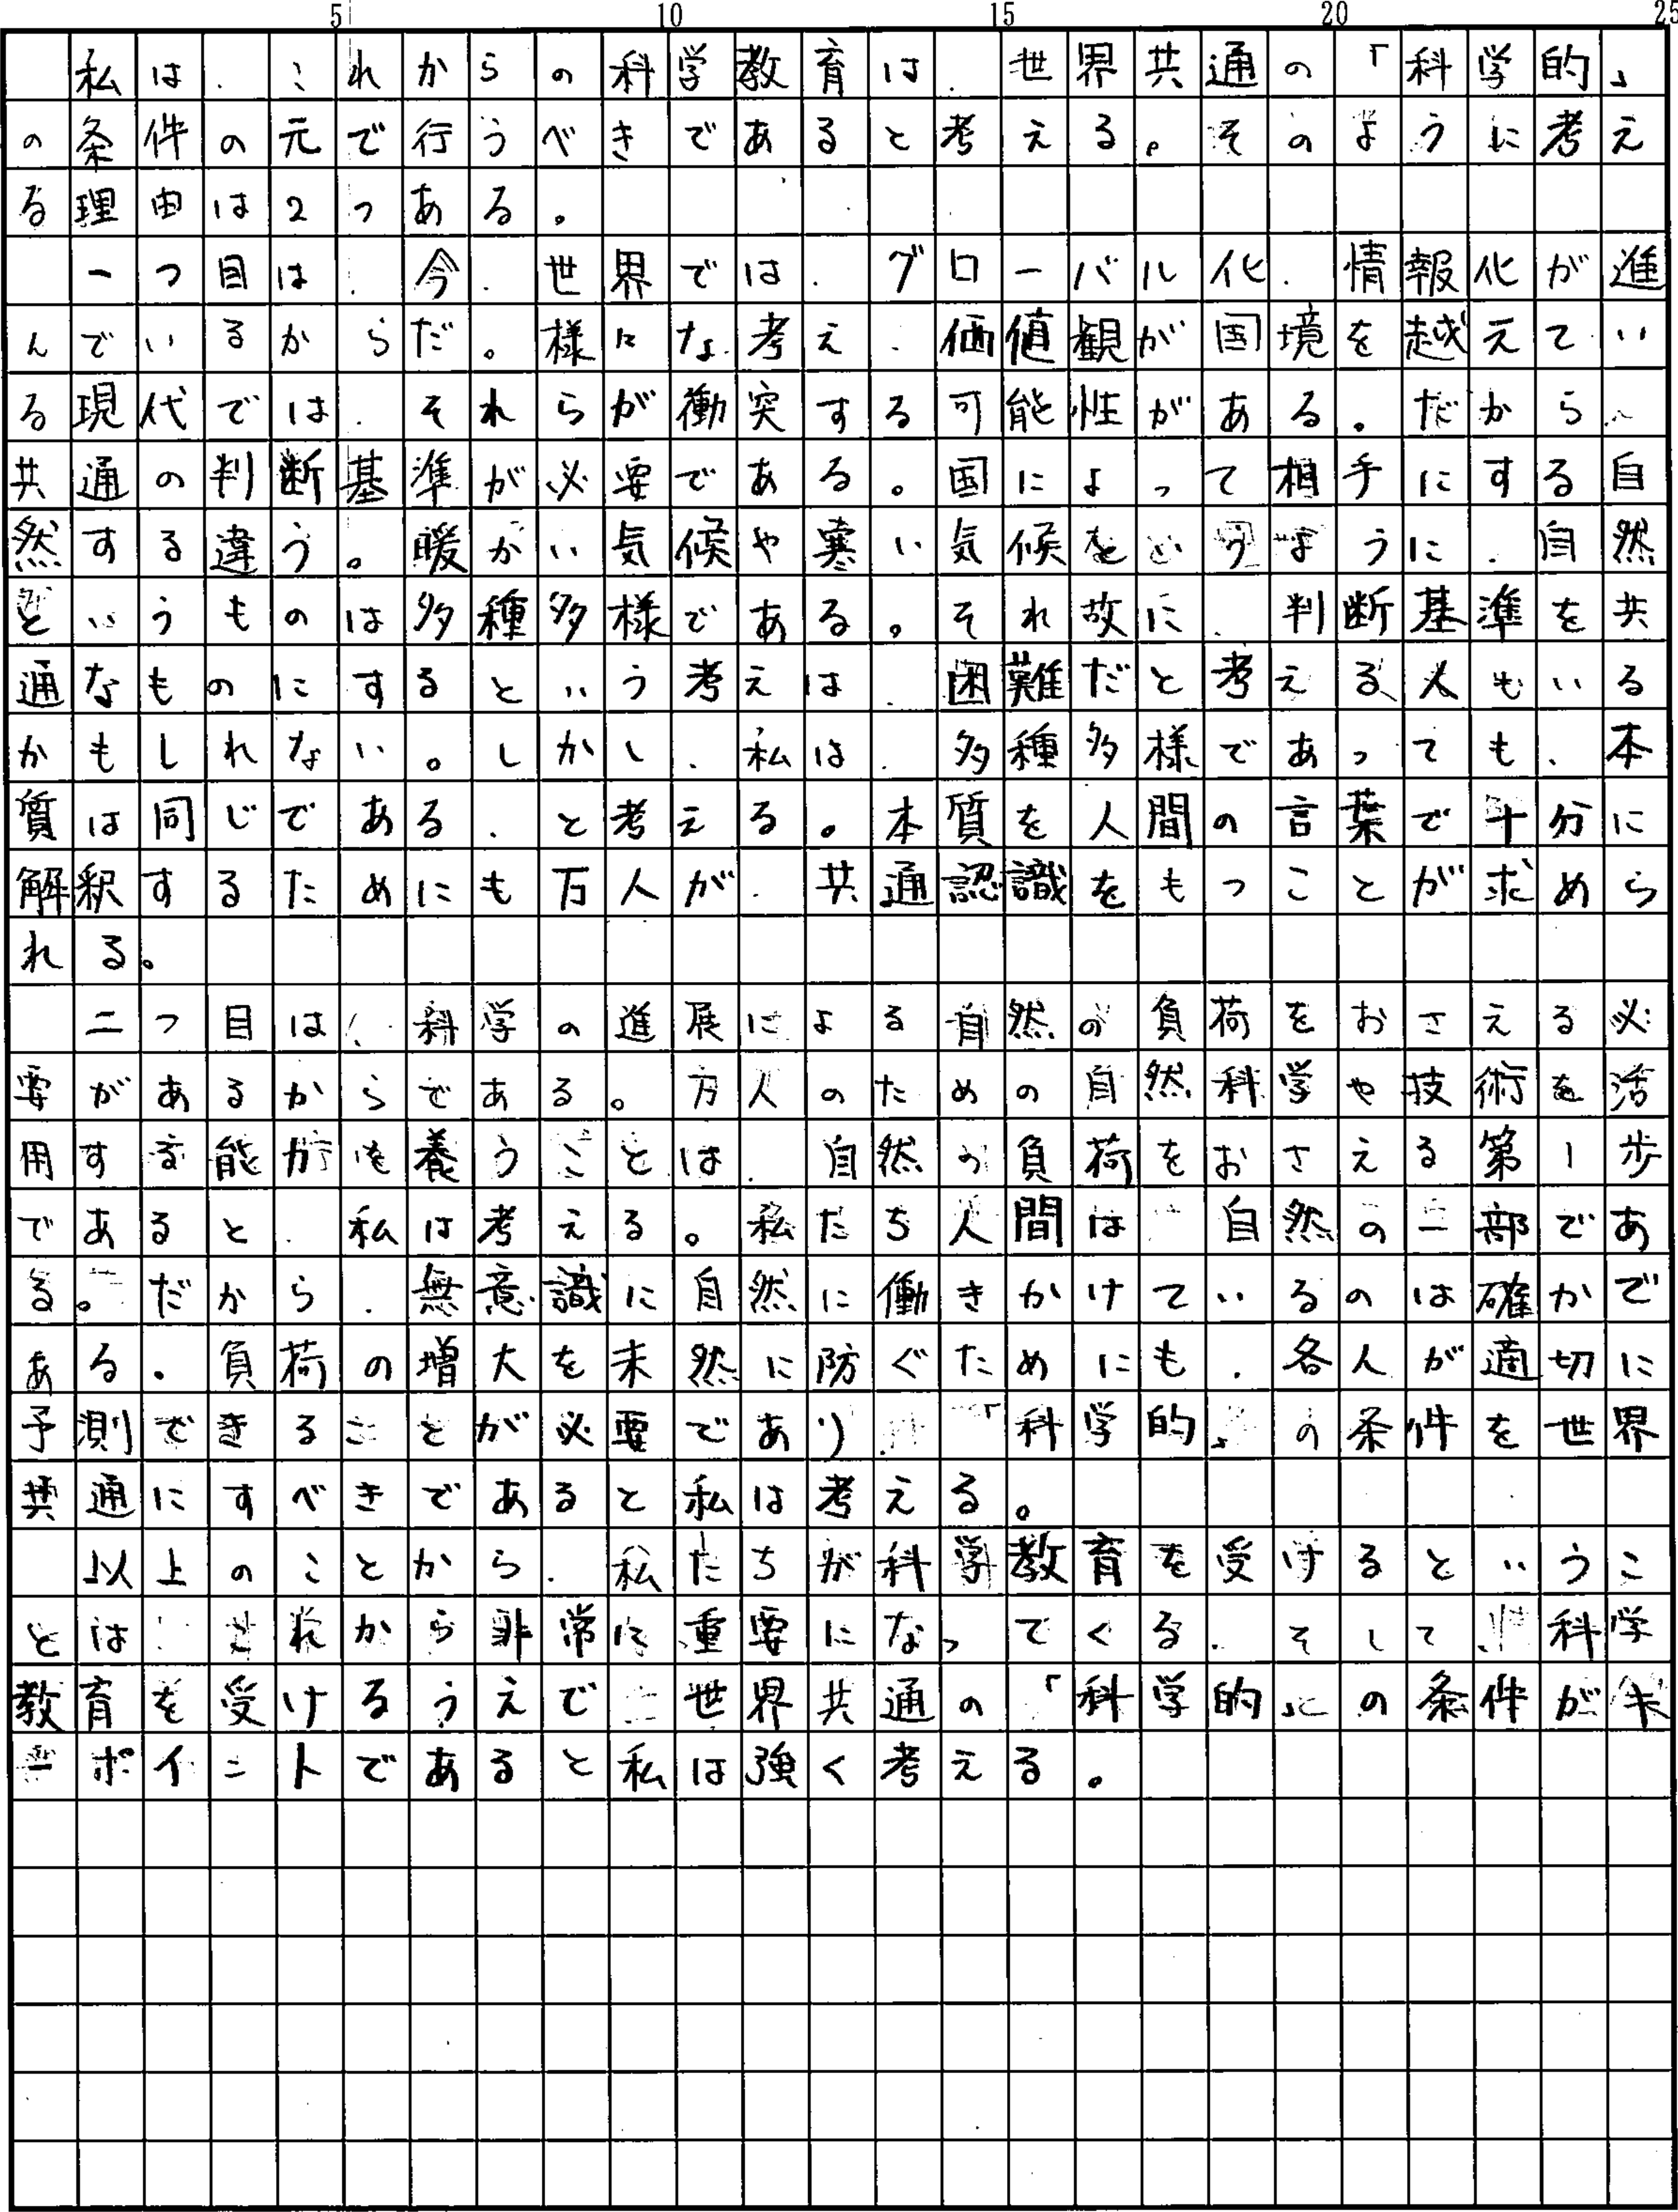　私は、これからの科学教育は、世界共通の「科学的」の条件の元で行うべきであると考える。そのように考える理由は２つある。
　一つ目は、今、世界では、グローバル化、情報化が進んでいるからだ。様々な考え、価値観が国境を越えている現代では、それらが▁突する可能性がある。だから、共通の判断基準が必要である。国によって相手にする自然する違う。暖かい気候や寒い気候というように、自然というものは多種多様である。それ故に、判断基準を共通なものにするという考えは、困難だと考える人もいるかもしれない。しかし、私は、多種多様であっても、本質は同じである、と考える。本質を人間の言葉で十分に解釈するためにも万人が、共通認識をもつことが求められる。
　二つ目は、科学の進展による自然の負荷をおさえる必要があるからである。万人のための自然科学や技術を活用する能力を養うことは、自然の負荷をおさえる第１歩であると、私は考える。私たち人間は、自然の一部である。だから、無意識に自然に働きかけているのは確かである。負荷の増大を未然に防ぐためにも、各人が適切に予測できることが必要であり、「科学的」の条件を世界共通にすべきであると私は考える。
　以上のことから、私たちが科学教育を受けるということは、これから非常に重要になってくる。そして、科学教育を受けるうえで、世界共通の「科学的」の条件がキーポイントであると私は強く考える。
